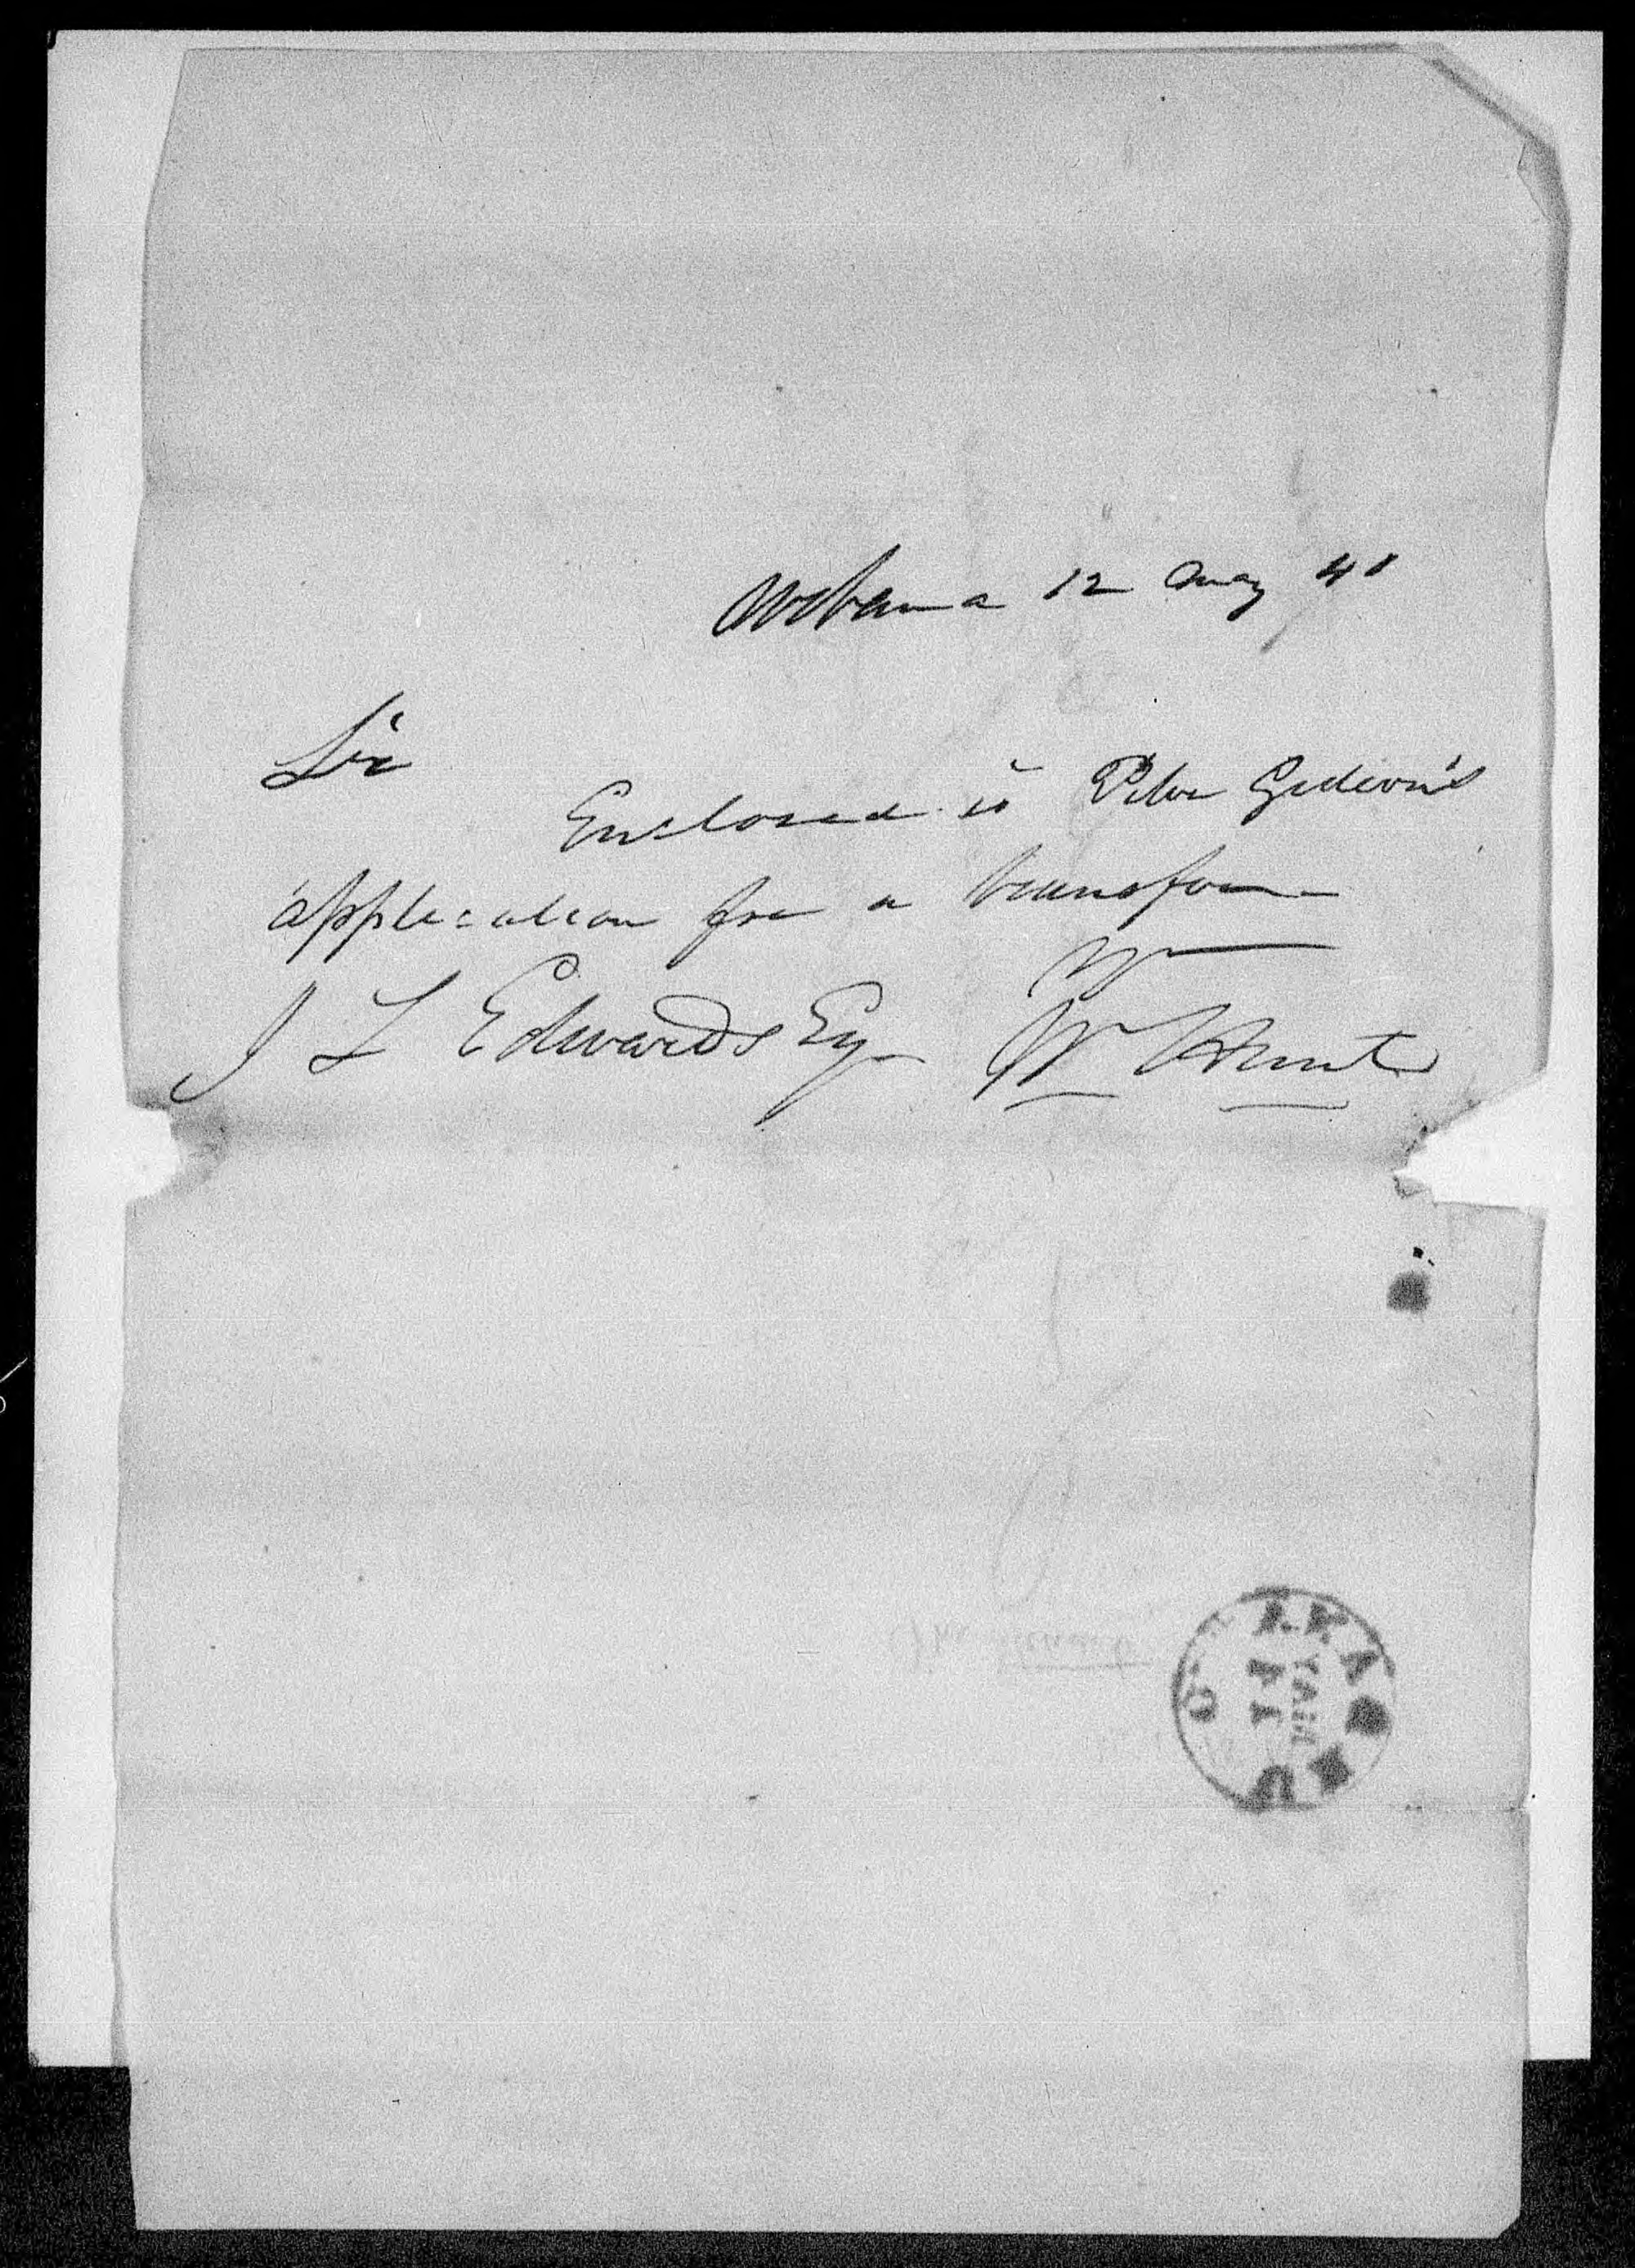Urbana
12 May 40

Sir

Enclosed is Peter Gideon's
application for a transfer

JL Edwards Esq
W Hunt

[another illegible signature]
[stamp from reverse shows URBANA May 14]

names: W Hunt, Peter Gideon, J L Edwards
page: 25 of 64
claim: survivor's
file: S. 6887, Peter Gideon, Md.